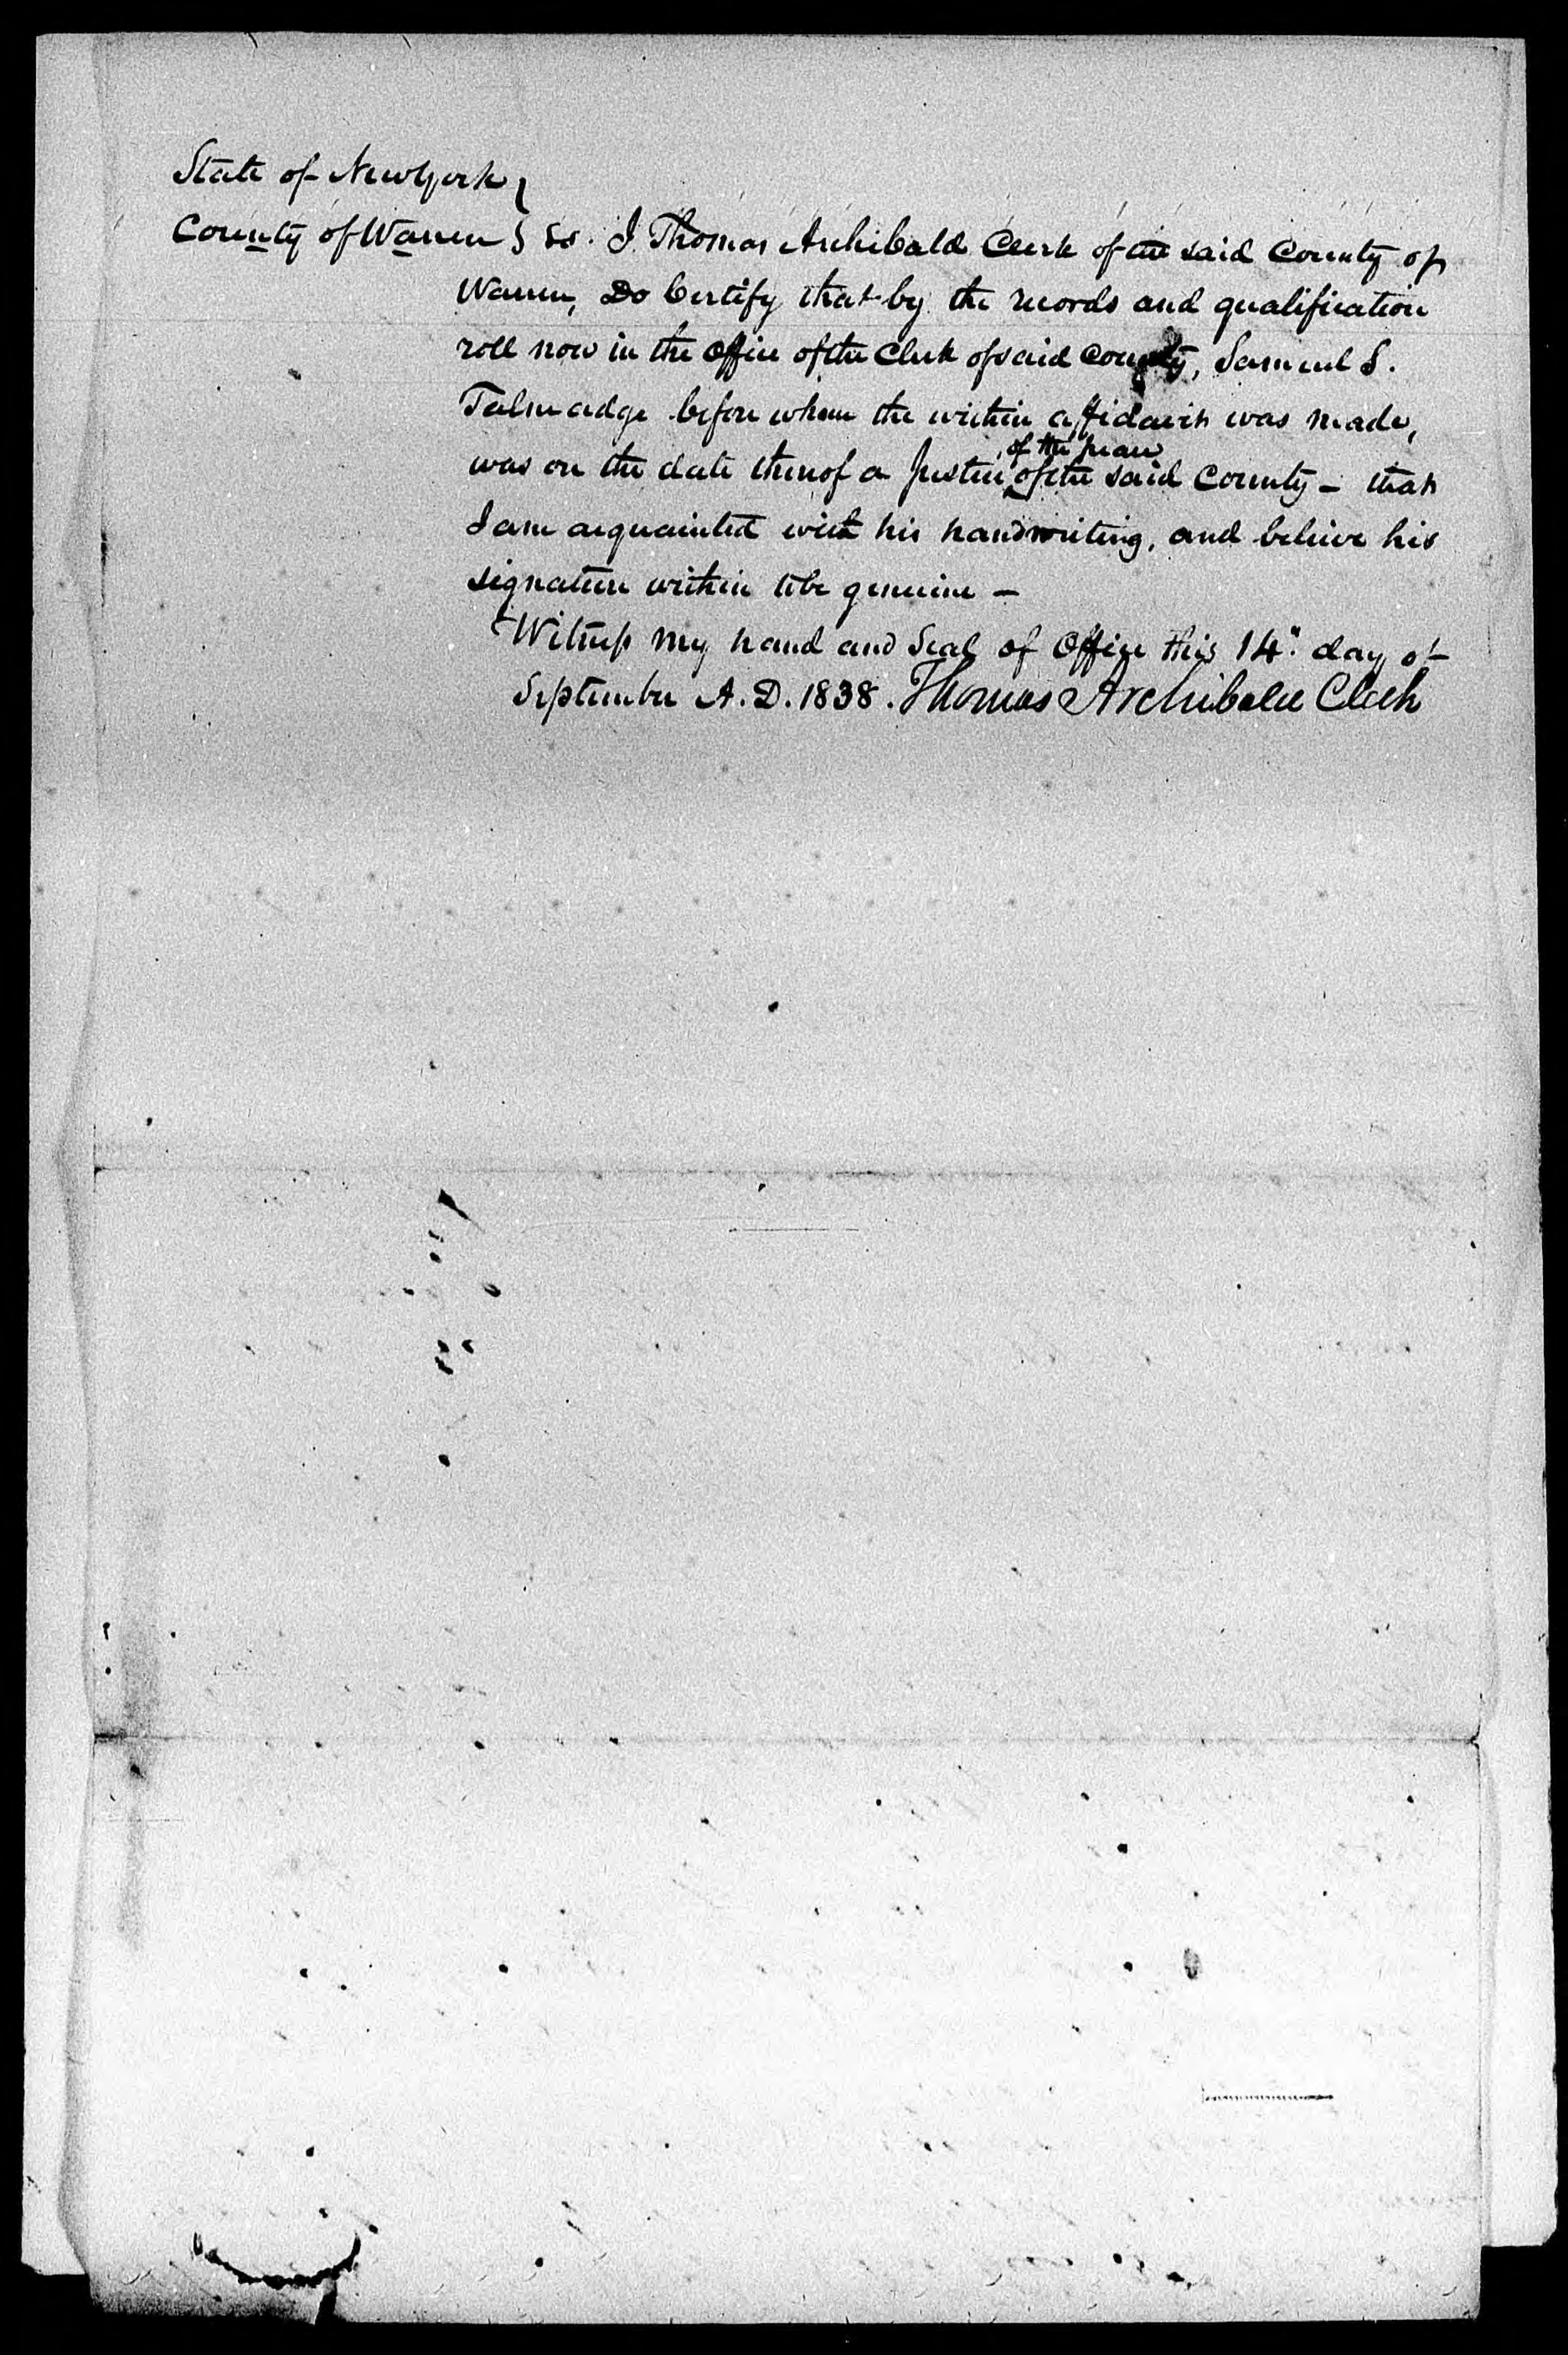State of New York County of Warren                                         I Thomas Archibald Clerk of the said County of Warren do certify that by the records and qualification will now in the office of the clerk of said county , Samuel S. [illegible] before whom the [illegible] [illegible] was made was on the date thereof a Justice of the said County [illegible] I am aquainted with his handwriting, and beleive his signature within the [illegible] [illegible] my hand and Seal of Office this 14th day of September A.D. 1883 . Thomas Archibald Clerk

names: Samuel S Talmadge, Thomas Archibald, Thomas Archibald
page: 52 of 60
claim: widow's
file: W 16,955, Samuel Dickinson, Conn.